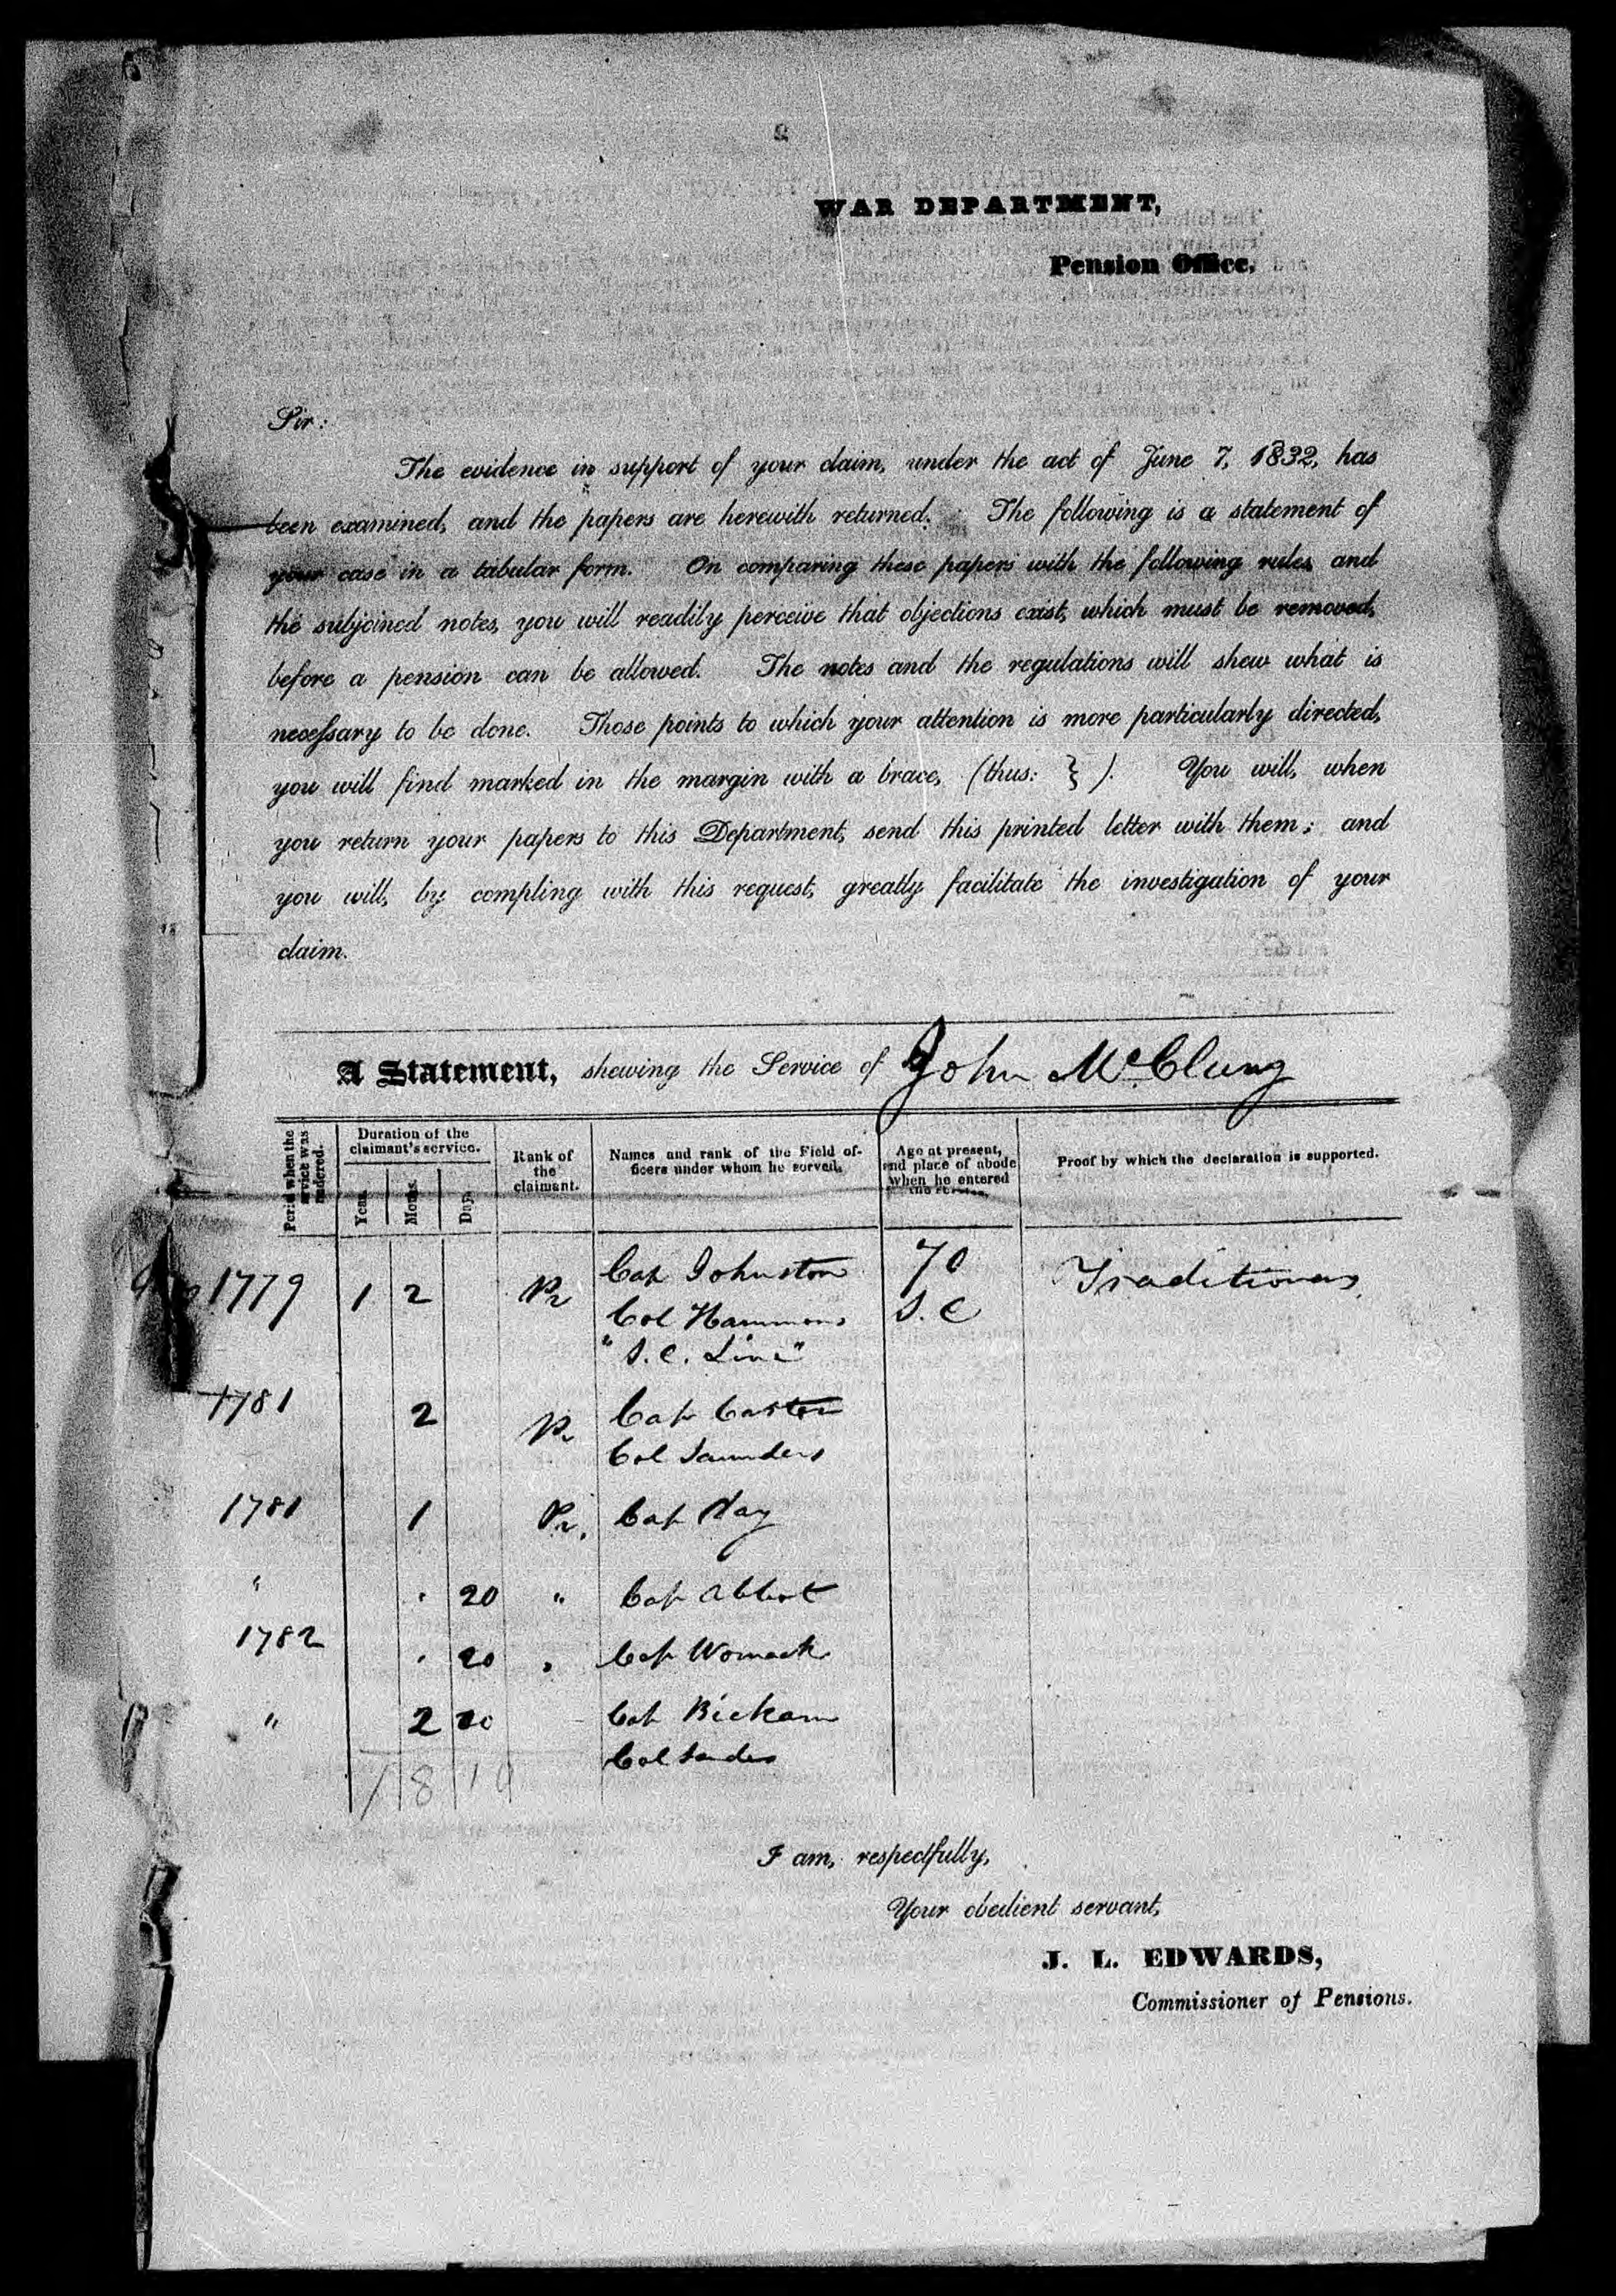WAR DEPARTMENT,
Pension Office, 

Sir:

The evidence in support of your claim, under the act of June 7, 1832, has 
been examined, and the papers are herewith returned.  The following is a statement of 
your case in a tabular form.  On comparing these papers with the following rules, and 
the subjoined notes, you will readily perceive that objections exist, which must be removed, 
before a pension can be allowed.  The notes and the regulations will show what is 
necessary to be done.  Those points to which your attention is more particularly directed, 
you will find marked in the margin with a brace, (thus: } ).  You will, when 
you return your papers to this Department, send this printed letter with them; and 
you will, by complying with this request, greatly facilitate the investigation of your 
claim.
______________________________________________________________________________
A Statement, showing the Service of John McClung
===================================================================
Period when the |
service was |
rendered. |
_______________
[illegible] 1779


1781

1781 
"
1782 
"
Duration of the |
claimant's service. |
________________ |
Years. | Months. | Days. |
____________________ |
1 | 2 | 


| 2 |

| 1 |
| | 20
| | 20
| 2 | 10
_______
1| 8 | 10
Rank of |
the |
claimant. |
________
Pr


Pr

Pr
"
"
Names and rank of the Field of |
ficers under whom he served. |
__________________________ |
Cap Johnston
Col Hammons 
"S. C. Line'
Cpt Carter
Col Saunders
Cap Day
Cap Abbot
Cap Womack
Col Bicker
Col Sanders
Age at present, |
and place of abode |
when he entered |
the service. |
_______________ |
70
S.C
Proof by which the declaration is supported.
_____________________________________
Traditionary

I am, respectfully, 
Your obedient servant, 

J. L. EDWARDS, 
Commissioner of Pensions.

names: [BLANK] Hammons; [BLANK] Saunders; J L Edwards; [BLANK] Johnston; [BLANK] Bickam; [BLANK] Day; [BLANK] Abbot; John Mc Clung; [BLANK] Womack; [BLANK] Carter; [BLANK] Sades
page: 6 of 115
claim: widow's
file: W. 1446, for John Mc Clung, South Carolina